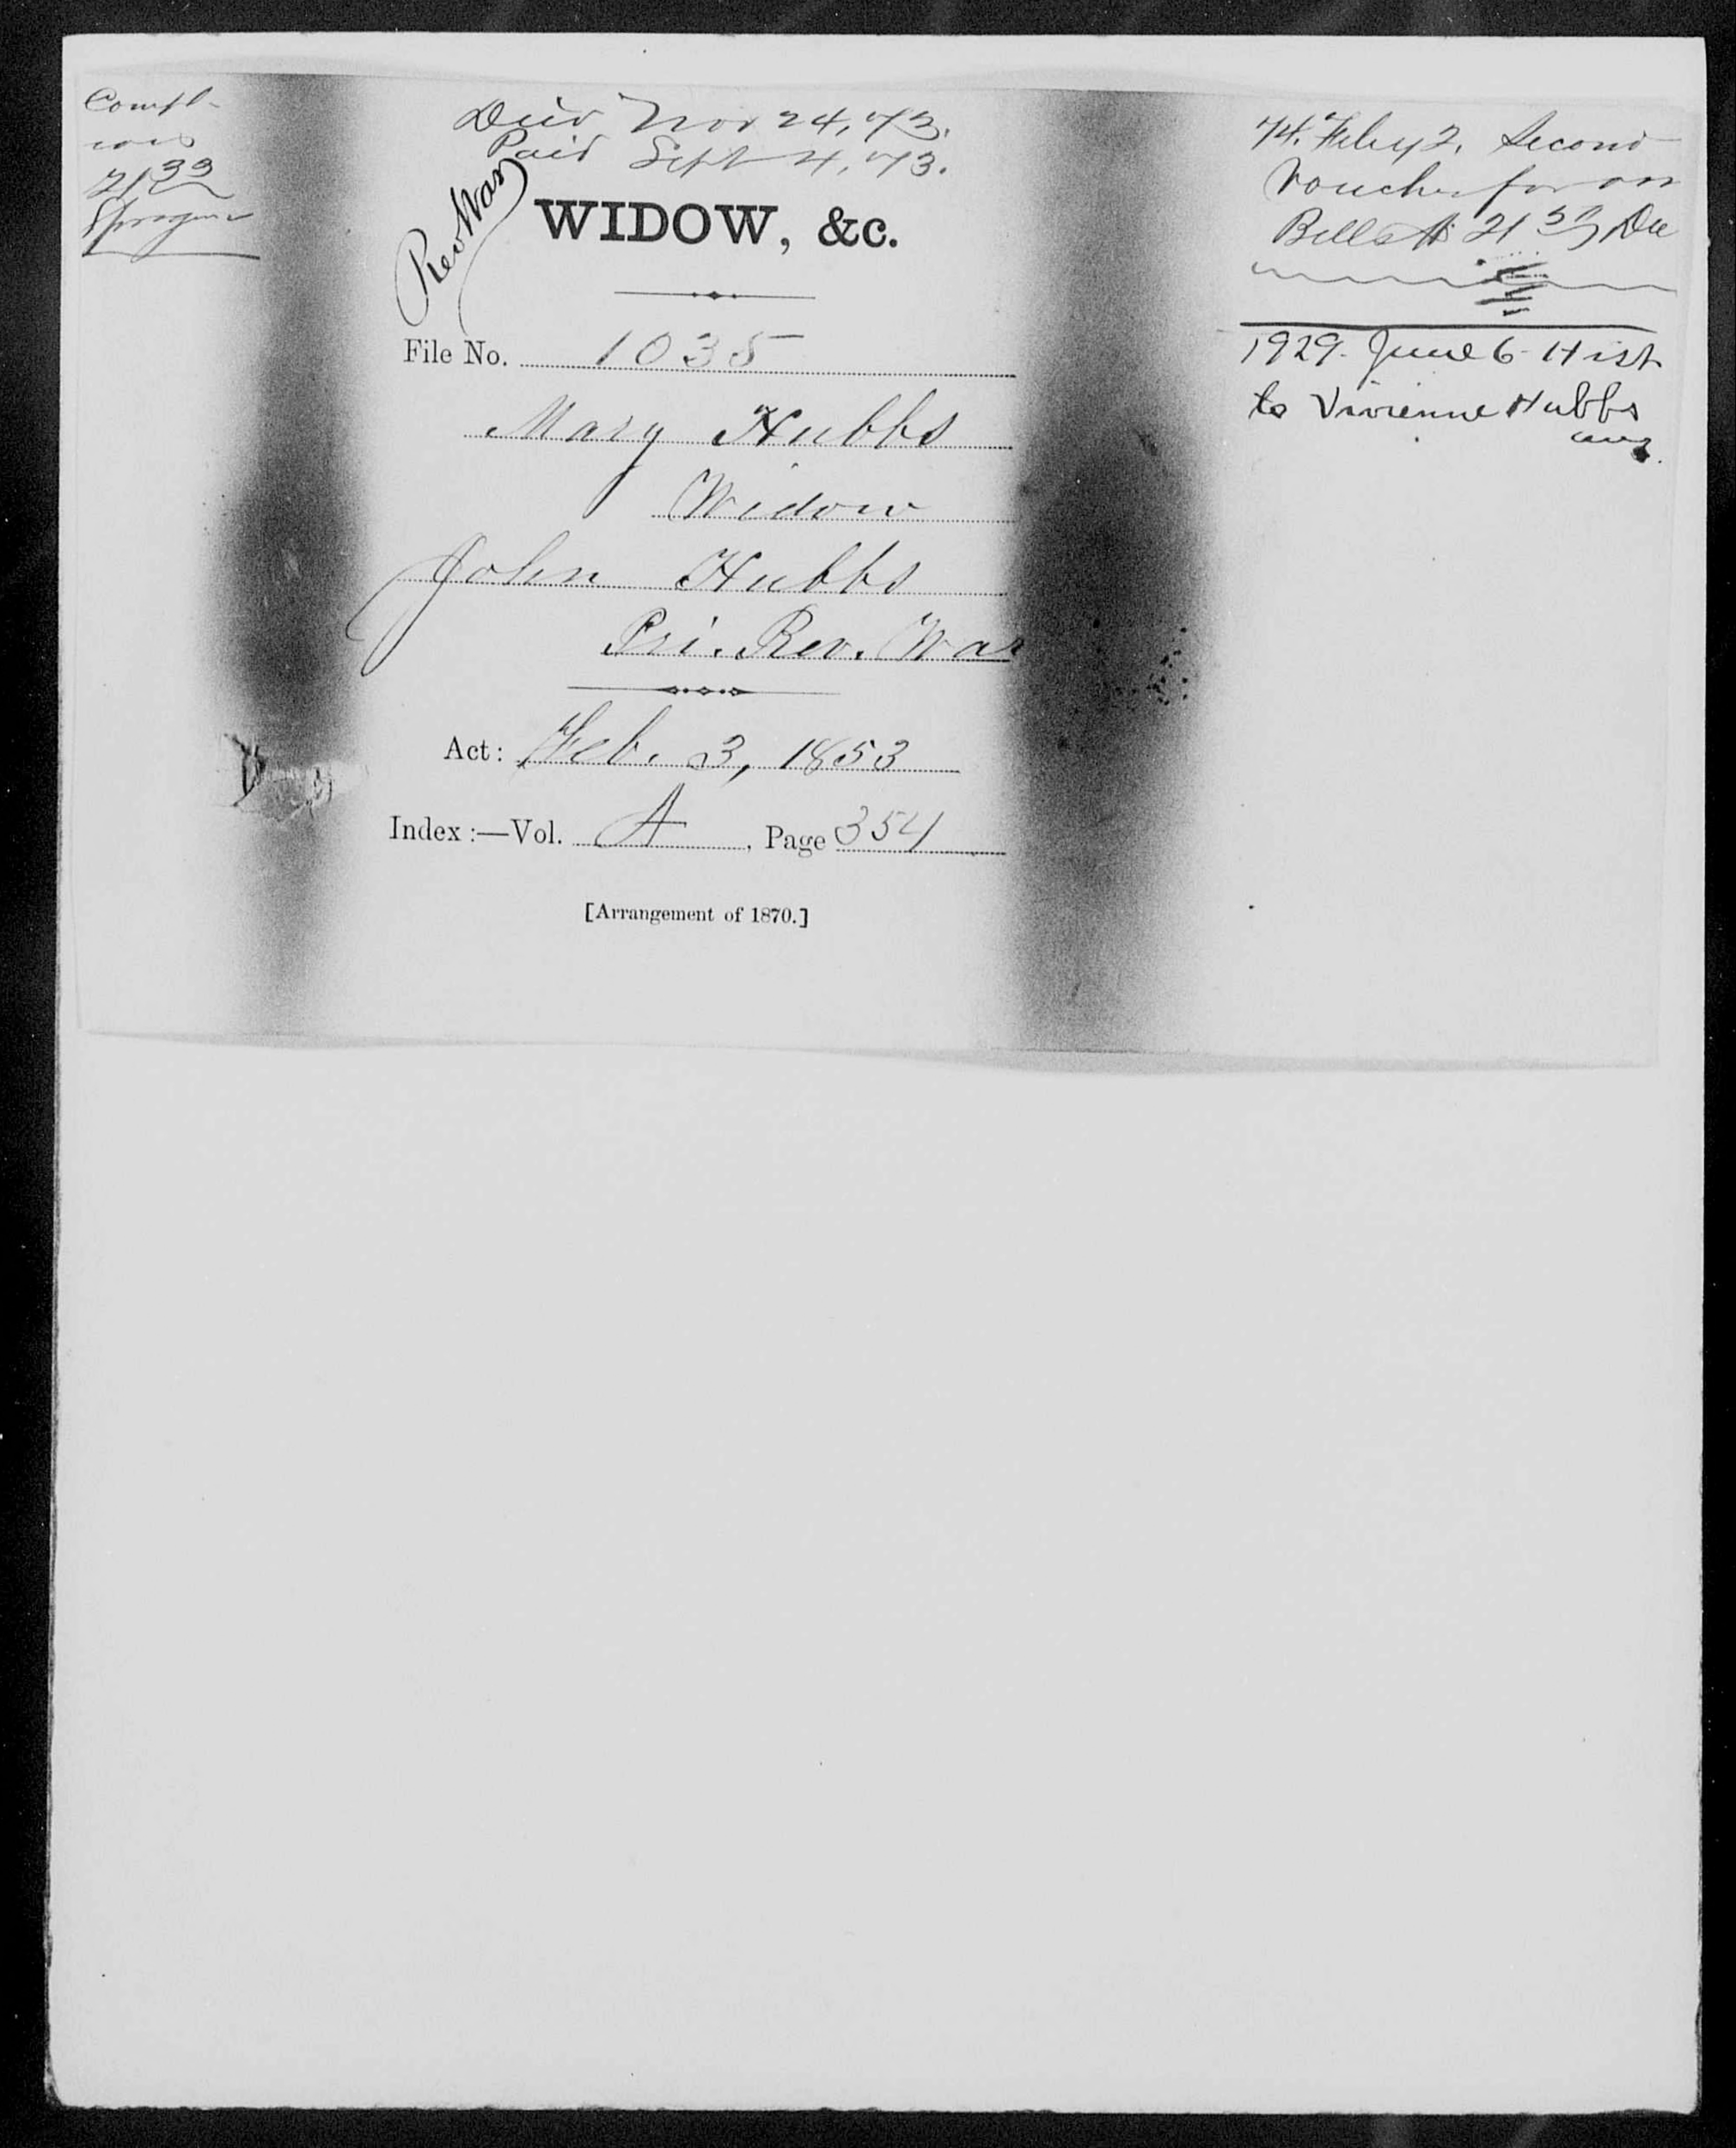Compl. Cost  2/33 Spragm

Died Nov. 24, 73.
Paid Sept 4, 73.
Rev War WIDOW, &c.
File No. 1035
Mary Hubbs
 Widow 
John Hubbs
Pri. Rev. War
Act Feb. 3, 1853
Index: __ Wol. A, Page 354
[Arrangement of 1870.]
--------------------
74. Feby 2, Second voucher for our
 Bills $21.50 Due
-----------------
1929 June 6 - Hist 
to Vivienne Hubbs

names: Mary Hubbs, John Hubbs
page: 38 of 86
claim: widow's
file: W. 1035, John Hubbs, S.C.